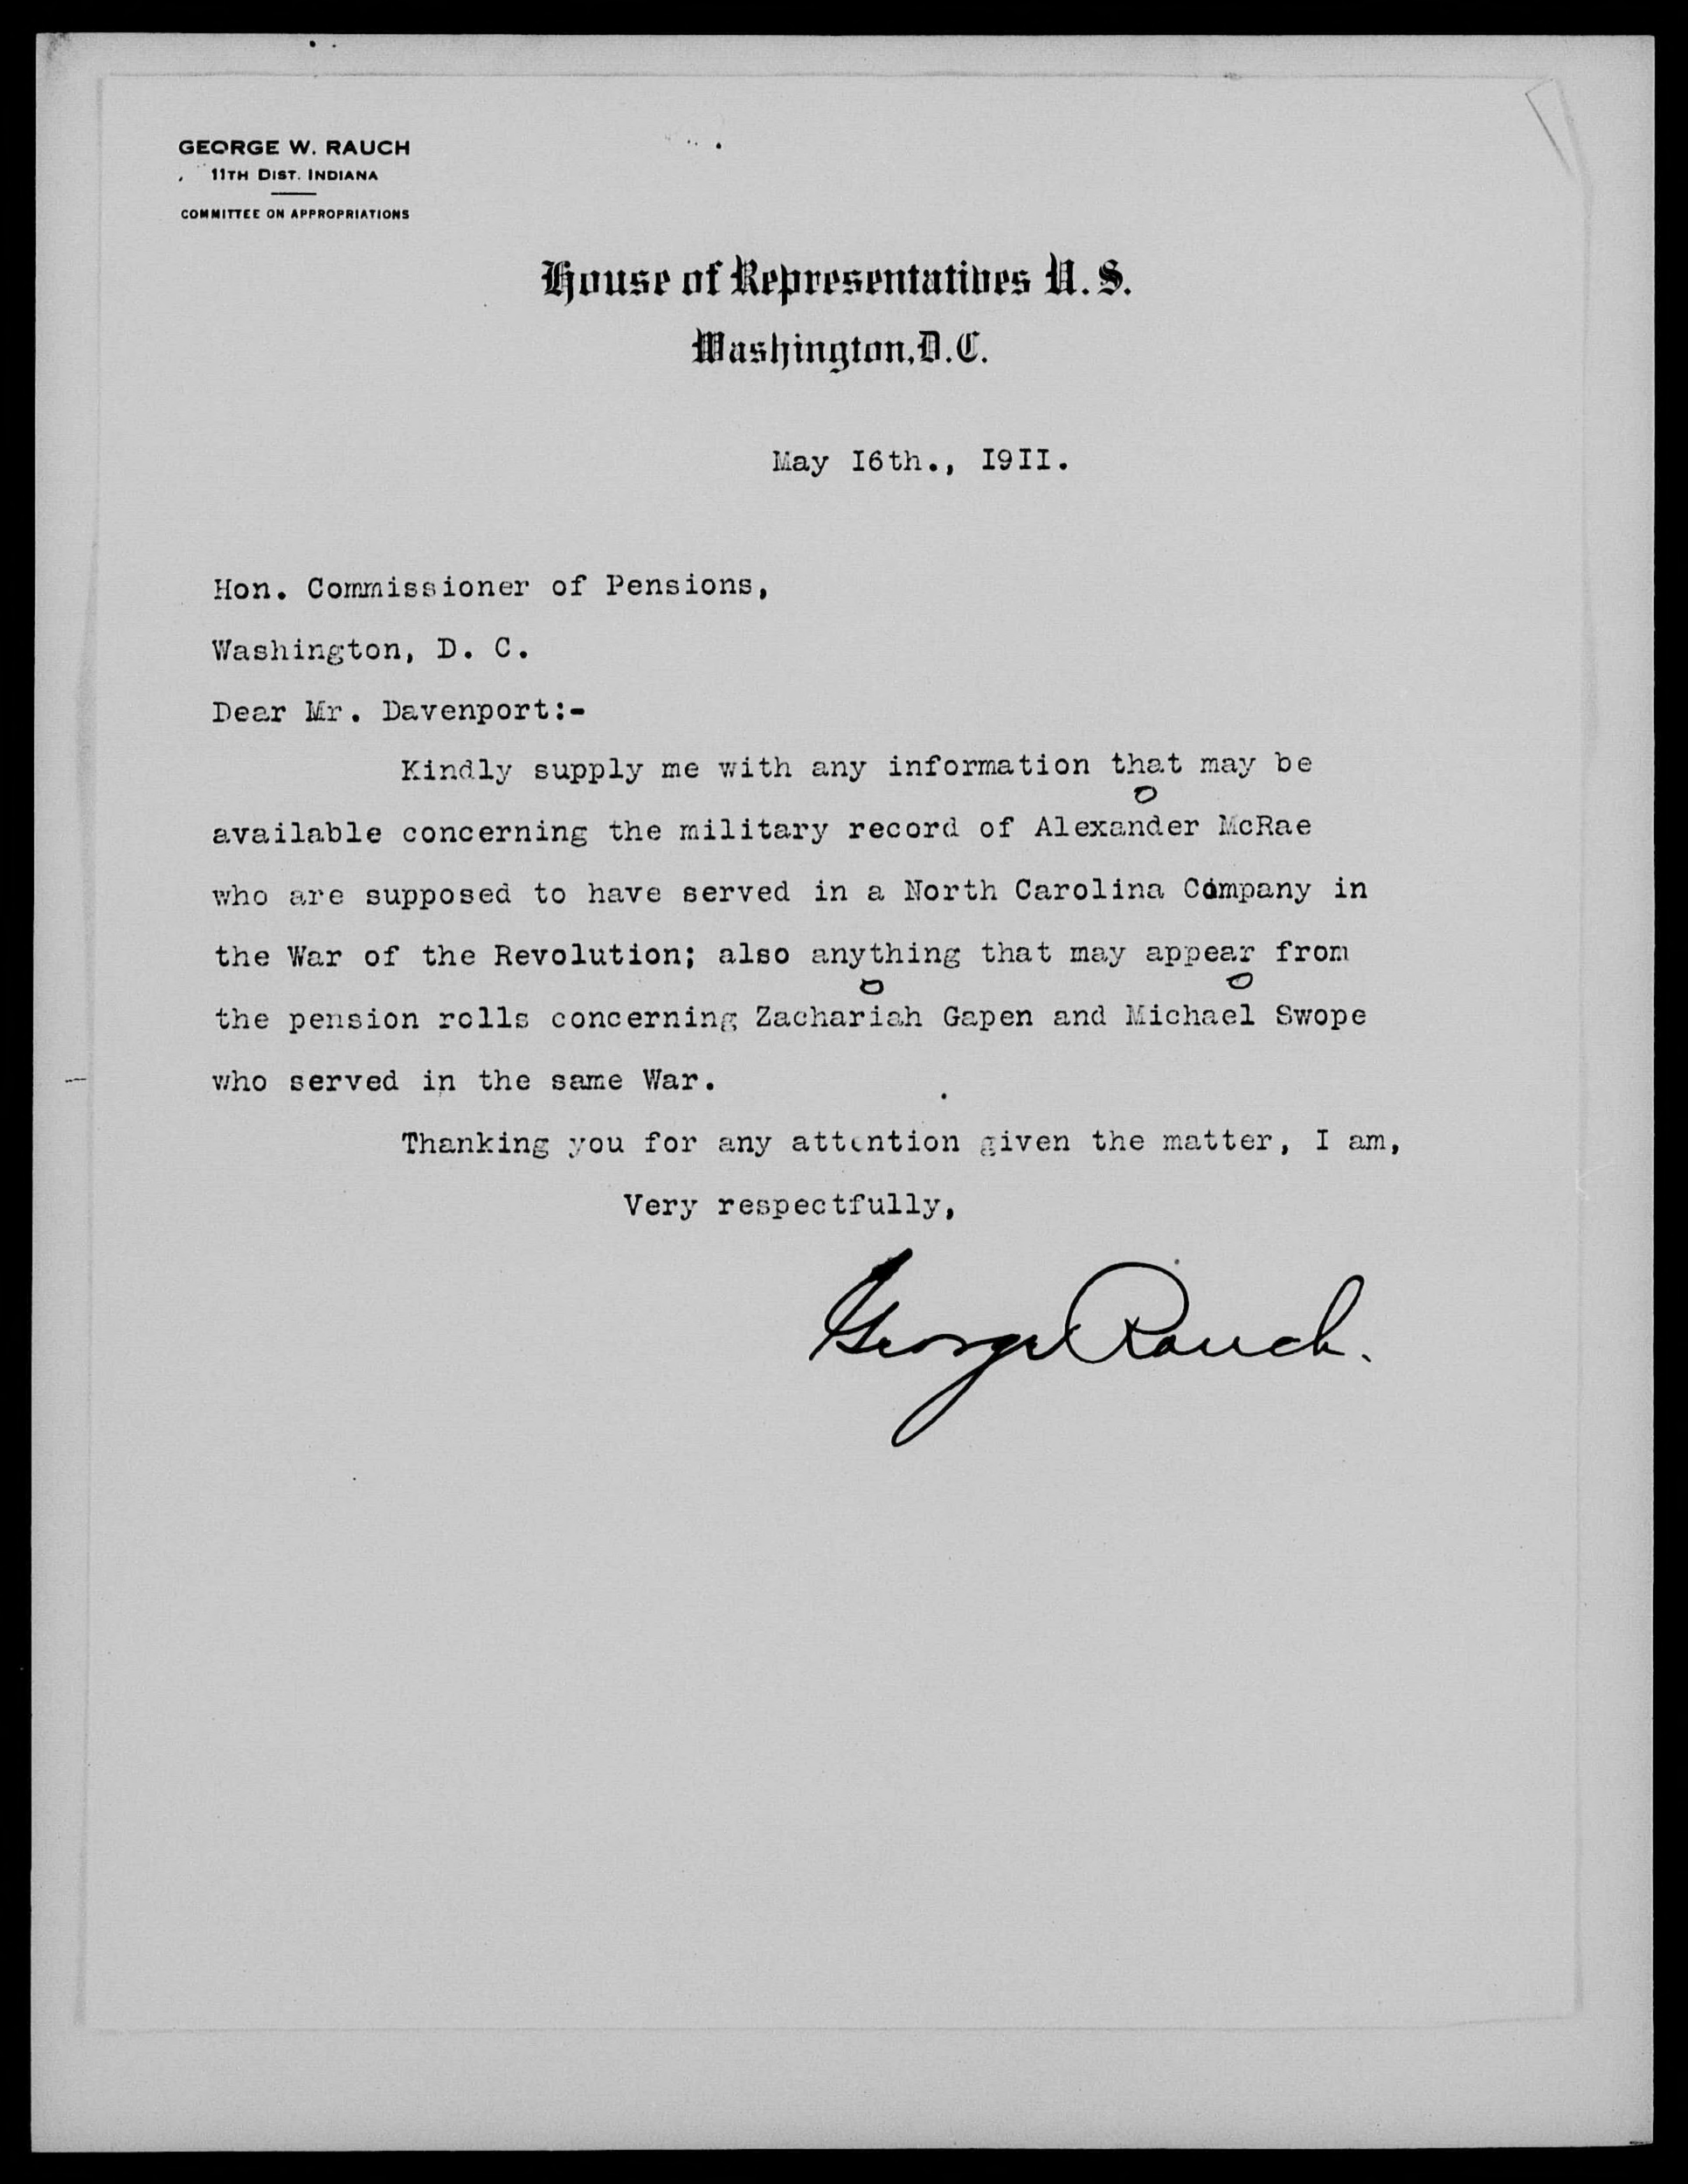GEORGE W. RAUCH
11TH DIST INDIANA
COMMITTEE ON APPROPRIATIONS

House of Representatives A.S.
Washington, A. C.

May 16th, 1911.

Hon. Commissioner of Pensions,
Washington, D. C.

Dear Mr. Davenport: --
Kindly supply me with any information that may be
available concerning the military record of Alexander McRae
who are supposed to have served in a North Carolina Company in
the War of the Revolution; also anything that may appear from
the pension rolls concerning Zachariah Gapen and Michael Swope
who served in the same War.
Thanking you for any attention given the matter, I am,
Very respectfully,

George Ranch [signature]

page: 14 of 16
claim: rejected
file: R 10366, for Michael Swope, Virginia